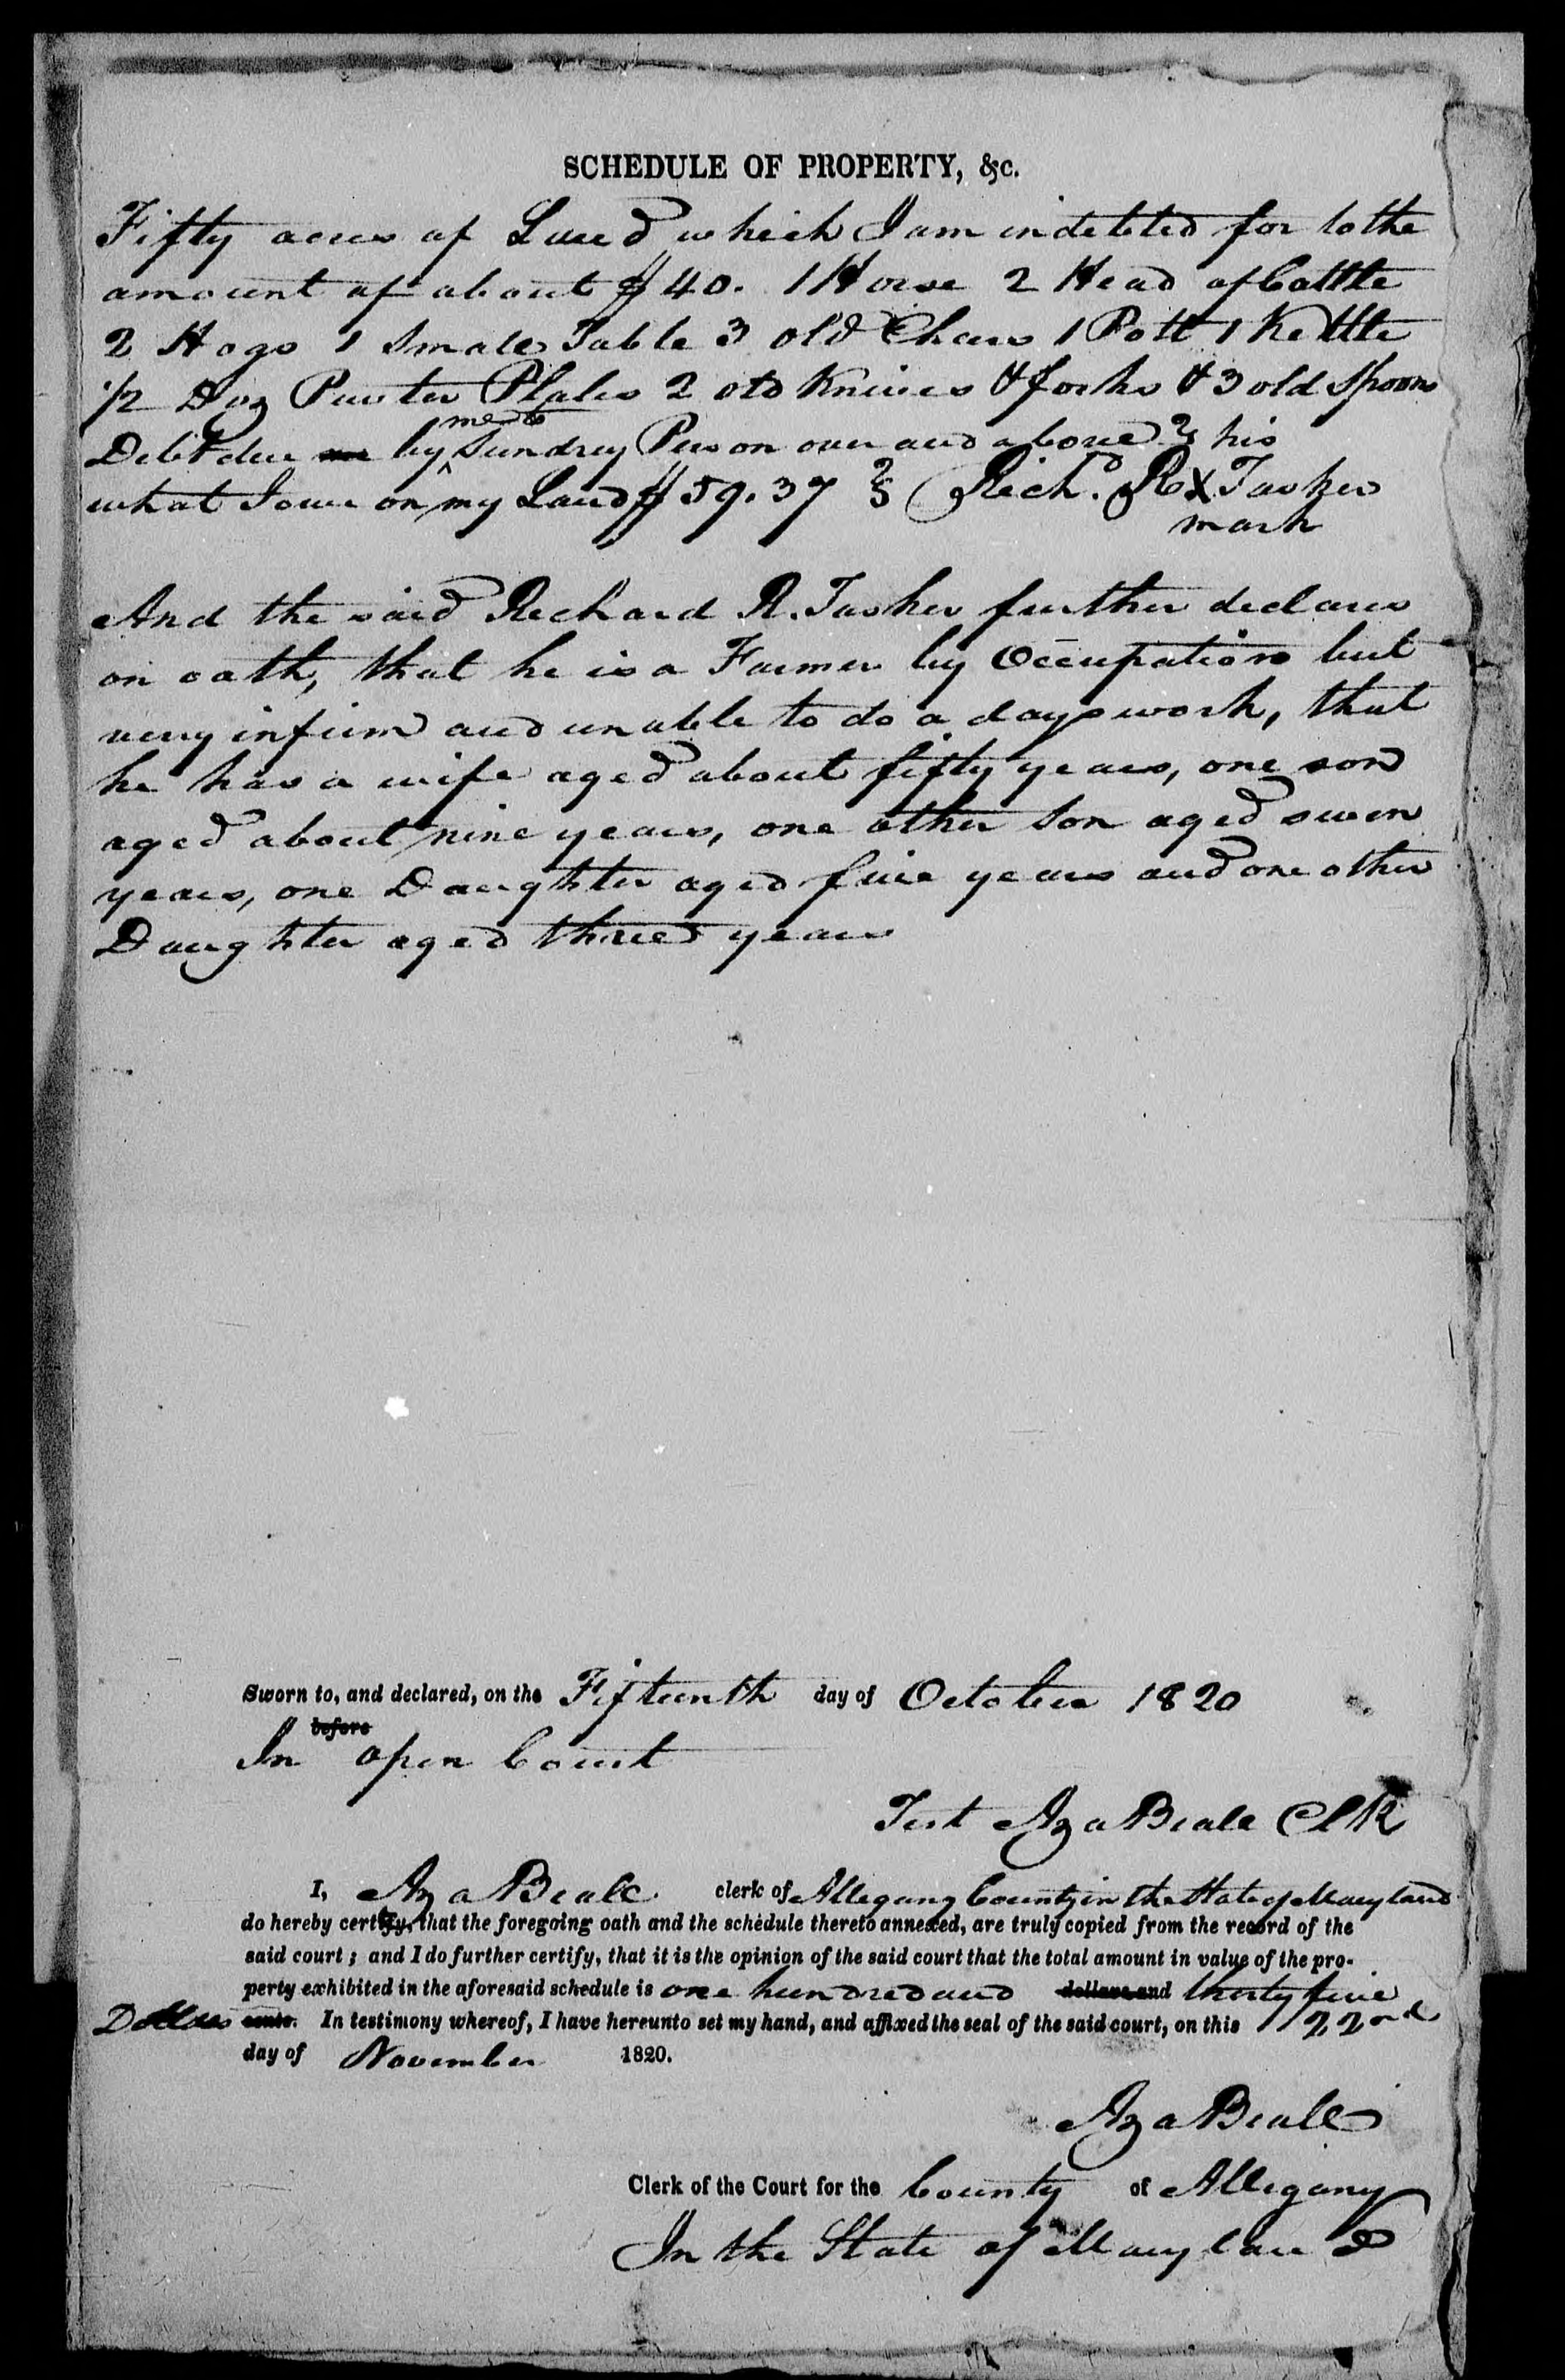SCHEDULE OF PROPERTY, &c.

Fifty acres of Land which I am indebted for to the amount of about $40. 1 Horse  2 Head of Cattle  2 Hogs  1 Small Table  3 old Chairs  1 Pott  1 Kettle  1/2 Doz Pewter Plates  2 old Knives and forks & 3 old  Spoons  Debt due by me Sundry Person over and above} his what I own  on my Land $59.37 }  Rich. R. Tasker  X  his mark

And the said Richard R. Tasker further declares on oath, that he is a Farmer by Occupation but very infirm and unable to do a days work, that he has a wife aged about fifty years, one son aged about nine years, one other Son aged seven years, one Daughter aged five years and one other Daughter aged three years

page: 10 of 25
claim: survivor's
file: S. 35093, for Richard R Tasker, Maryland